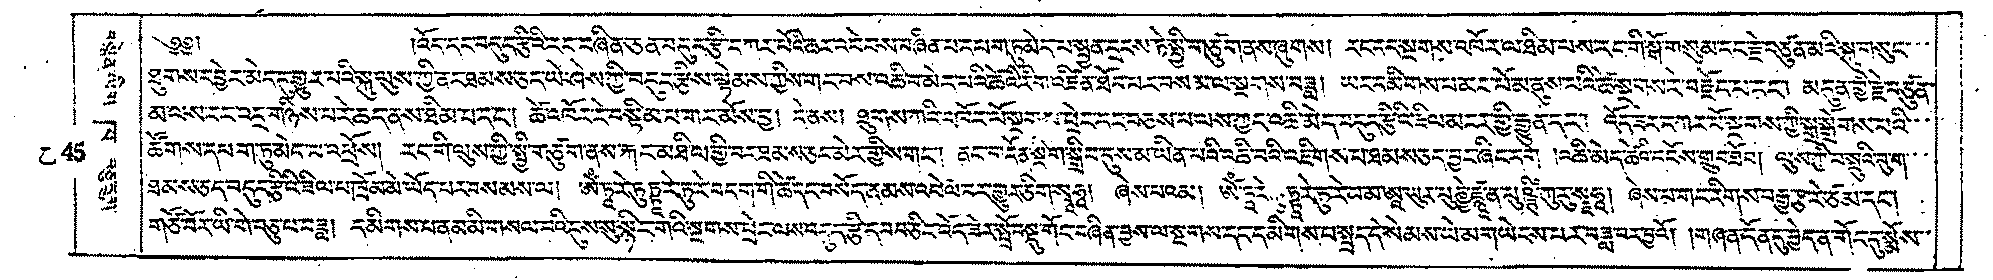༄༅། །འོད་དང་བདུད་རྩིའི་རང་བཞིན་ཅན་བདུད་རྩི་དཀར་པོའི་ཆར་འབེབས་བཞིན་པ་དཔག་ཏུ་མེད་པ་སྤྱན་དྲངས་ཏེ་སྤྱི་གཙུག་ནས་ཞུགས། རང་དང་སྔགས་འཁོར་ལ་ཐིམ་པས་རང་གི་སྒོ་གསུམ་དང་རྗེ་བཙུན་མའི་སྐུ་གསུང་་་
ཐུགས་དབྱེར་མེད་དུ་གྱུར་པའི་སྐུ་ལུས་ཀྱི་ནང་ཐམས་ཅད་ཡེ་ཤེས་ཀྱི་བདུད་རྩིས་ལྟེམས་ཀྱིས་གང་བས་འཆི་བ་མེད་པའི་ཚེའི་རིག་འཛིན་ཐོབ་པར་བསམ་ལ་སྔགས་བཟླ། ཡང་དམིགས་པ་མང་པོ་མ་ནུས་པའི་ཚེ་སྔགས་རེ་བརྗོད་པ་དང་། མདུན་གྱི་རྗེ་བཙུན་
མ་ལས་རང་འདྲ་གཉིས་པ་རེ་ཆད་ནས་ཐིམ་པ་དང་། ཚེ་འཁོར་རེ་བསྟིམ་པ་གང་མོས་བྱ། དེ་ནས། ཐུགས་ཀའི་འཁོར་ལོ་སྔགས་ཕྲེང་དང་བཅས་པ་ལས་ཀྱང་འཆི་མེད་བདུད་རྩིའི་ཟིལ་མངར་གྱི་རྒྱུན་དང་། འོད་ཟེར་དཀར་པོ་སྔགས་ཀྱི་སྒྲ་སྒྲོགས་པའི་་་
ཚོགས་དཔག་ཏུ་མེད་པ་འཕྲོས། རང་གི་ལུས་ཀྱི་སྤྱི་གཙུག་ནས་རྐང་མཐིལ་གྱི་བར་ཐམས་ཅད་མེར་གྱིས་གང་། ནང་གདོན་སྡིག་སྒྲིབ་དུས་མ་ཡིན་པའི་འཆི་བའི་འཇིགས་པ་ཐམས་ཅད་བྱང་ཞིང་དག །འཆི་མེད་ཚེའི་དངོས་གྲུབ་ཐོབ། ལུས་ཀྱི་བ་སྤུའི་བུ་ག་་་
ཐམས་ཅད་བདུད་རྩིའི་ཟིལ་པ་ཁྲོམ་མེ་ཡོད་པར་བསམས་ལ། ཨོཾ་ཏཱ་རེ་ཏུ་ཏྟཱ་རེ་ཏུ་རེ་བདག་གི་ཚེ་དང་བསོད་ནམས་འཕེལ་བར་གྱུར་ཅིག་སྭཱཧཱ། ཞེས་པའམ། ཨོཾ་ཏཱ་རེ་ཏུ་ཏྟཱ་རེ་ཏུ་རེ་མ་མ་ཨཱ་ཡུར་པུཎྱེ་ཛྙཱ་ན་པུ་ཥྚིཾ་ཀུ་རུ་སྭཱ་ཧཱ། ཞེས་པ་གང་རིགས་བརྒྱ་རྩ་རེ་ཙམ་དང་།
གཙོ་བོར་ཡི་གེ་བཅུ་པ་བཟླ། དམིགས་པ་ནམ་མི་གསལ་བའི་དུས་སུ་སྙིང་གའི་སྔགས་ཕྲེང་ལས་བདུད་རྩི་དབབ་ཅིང་འོད་ཟེར་སྤྲོ་བསྡུ་གོང་བཞིན་བྱས་ལ་སྔགས་དང་དམིགས་པ་སྤྲད་དེ་སེམས་ཡེ་མ་གཡེངས་པར་བཟླ་བར་བྱའོ། །གཞན་དོན་དུ་བྱེད་ན་གོང་དུ་སྨོས་་་